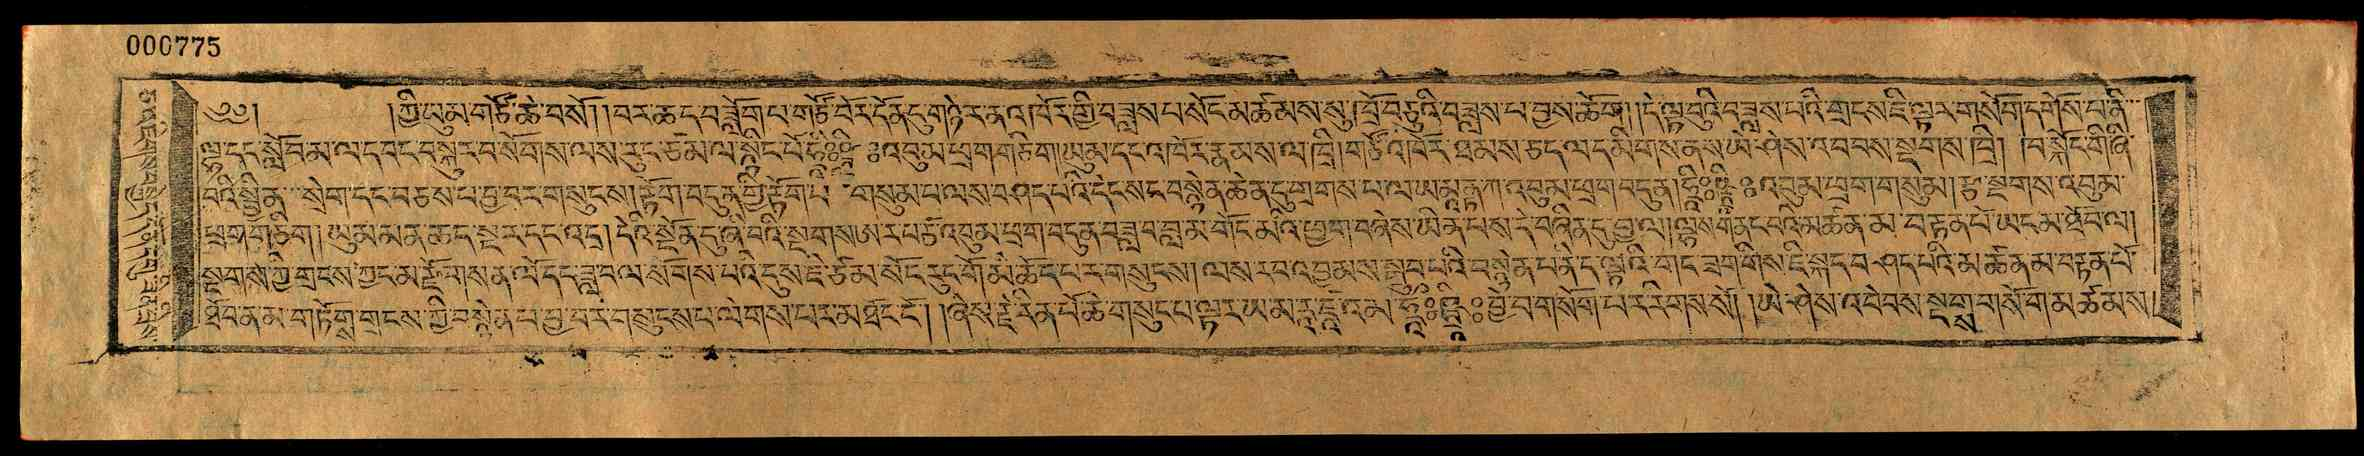༄༅། །ཀྱི་ཡུམ་གཙོ་ཆེ་བ་སོ། །བར་ཆད་བཟློག་པ་གཙོ་བོར་དོན་དུ་གཉེར་ན་འཁོར་གྱི་བཟླས་པ་སོང་མཚམས་སུ་ཁྲོ་བཅུའི་བཟླས་པ་བྱས་ཆོག །དེ་ལྟ་བུའི་བཟླས་པའི་གྲངས་ཇི་ལྟར་གསོག་དགོས་པ་ནི།
ལྷ་དང་སློབ་མ་ལ་དབང་བསྐུར་བ་སོགས་ལས་རུང་ཙམ་ལ་སྙིང་པོ་ཧྲཱིཿ ཥྚྲཱིཿ འབུམ་ཕྲག་གཅིག །ཡུམ་དང་འཁོར་རྣམས་ལ་ཁྲི། གཙོ་འཁོར་ཐམས་ཅད་ལ་དམིགས་ནས་ཡེ་ཤེས་འབེབས་སྔགས་ཁྲི། ཁ་སྐོང་གི་ཞི་
བའི་སྦྱིན་སྲེག་དང་བཅས་པ་བྱ་བར་གསུངས། རྟོག་བདུན་གྱི་རྟོག་པ་གསུམ་པ་ལས་བཤད་པའི་དེང་སང་བསྙེན་ཆེན་དུ་གྲགས་པ་ལ་ཡ་མཱནྟ་ཀ་འབུམ་ཕྲག་བདུན། ཧྲཱིཿ ཥྚྲིཿ འབུམ་ཕྲག་གསུམ། རྩ་སྔགས་འབུམ་
ཕྲག་གཅིག །ཡུམ་མན་ཆད་སྔར་དང་འདྲ། དེའི་སྔོན་དུ་ཞི་བའི་སྔགས་ཨ་ར་པ་ཙ་འབུམ་ཕྲག་བདུན་བཟླ་བ་བླ་མ་གོང་མའི་ཕྱག་བཞེས་ཡིན་པས་དེ་བཞིན་དུ་བྱ་ལ། ལྷས་གནང་བའི་མཚན་མ་བརྟན་པོ་ཡང་མ་ཐོབ་ལ།
སྔགས་ཀྱི་གྲངས་ཀྱང་མ་རྫོགས་ན་ལོ་དང་ཟླ་བ་ལ་སོགས་པའི་དུས་ཇི་ཙམ་སོང་རུང་གོ་མི་ཆོད་པར་གསུངས། ལས་རབ་འབྱམས་སྒྲུབ་པའི་བསྙེན་པ་ནི་ད་ལྟའི་གང་ཟག་གིས་ཇི་སྐད་བཤད་པའི་མཚན་མ་བརྟན་པོ་
ཐོབ་ན་མ་གཏོགས་གྲངས་ཀྱི་བསྙེན་པ་བྱེ་བར་གསུངས་པ་ལེགས་པར་མཐོང་ངོ། །ཞེས་རྗེ་རིན་པོ་ཆེ་གསུང་པ་ལྟར་ཡ་མ་རཱ་ཛཱ་འམ་ཧྲཱིཿ ཥྚྲཱིཿ བྱེ་བ་གསོག་པར་རིགས་སོ། །ཡེ་ཤེས་འབེབས་སྔགས་གསོག་མཚམས་